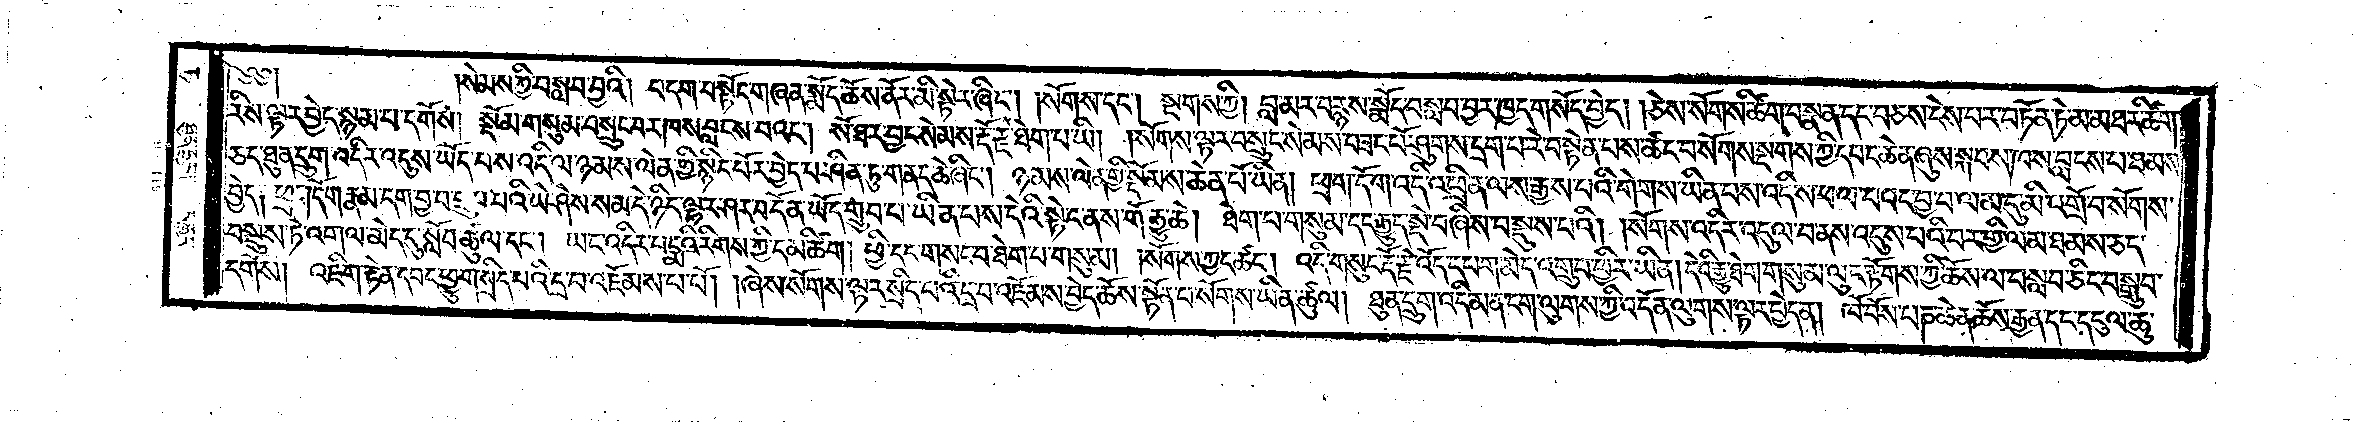༄༅། །སེམས་ཀྱི་བསླབ་བྱའི། བདག་བསྟོད་གཞན་སྨོད་ཆོས་ནོར་མི་སྟེར་ཞིང་། །སོགས་དང་། སྔགས་ཀྱི། བླ་མར་བརྙས་སྨོད་བསླབ་བྱར་ཁྱད་གསོད་བྱེད། །ཅེས་སོགས་ཚིག་བསྣན་དང་བཅས་ངེས་པར་བཏོན་ཏེ་མ་མཐར་ཚིག་
རིས་ལྟར་བྱེད་སྙམ་པ་དགོས། སྡོམ་གསུམ་བསྲུང་བར་ཁས་བླངས་པའང་། སོ་ཐར་བྱང་སེམས་རྡོ་རྗེ་ཐེག་པ་ཡི། །སོགས་ལྟར་བསྲུང་སེམས་བཟང་པོ་ཤུགས་དྲག་པ་རེ་བསྟེན་པས་ཚང་བ་སོགས་སྔགས་ཀྱི་དབང་ཆེན་ཞུས་སྐབས་ཁས་བླངས་པ་ཐམས་
ཅད་ཐུན་དྲུག་འདིར་འདུས་ཡོད་པས་འདི་ལ་ཉམས་ལེན་གྱི་སྙིང་པོར་བྱེད་པ་ཤིན་ཏུ་གནད་ཆེ་ཞིང་། ཉམས་ལེན་གྱི་སྡོམས་ཆེན་པོ་ཡིན། ཕྲག་དོག་འདི་འཕྲིན་ལས་རྒྱས་པའི་གེགས་ཡིན་པས་འདིས་ཕལ་པའང་བྱ་བ་ལམ་དུ་མི་འགྲོ་བ་སོགས་
བྱེད། ཕྲག་དོག་རྣམ་དག་བྱ་བ་གྲུབ་པའི་ཡེ་ཤེས་སམ་དེ་ཉིད་ལྷར་ཤར་བ་དོན་ཡོད་གྲུབ་པ་ཡིན་པས་དེའི་སྟེང་ནས་གོ་རྒྱུ་ཆེ། ཐེག་པ་གསུམ་དང་རྒྱུད་སྡེ་བཞིས་བསྡུས་པའི། །སོགས་འདིར་འདུལ་བ་ནས་འདུས་པའི་བར་གྱི་ལམ་ཐམས་ཅད་
བསྡུས་ཏེ་འགལ་མེད་དུ་སློབ་ཚུལ་དང་། ཡང་འདིར་པདམའི་རིགས་ཀྱི་དམ་ཚིག །ཕྱི་དང་གསང་བ་ཐེག་པ་གསུམ། །སོགས་ཀྱང་ཚང་། འདི་གསུང་རྡོ་རྗེ་འོད་དཔག་མེད་འགྲུབ་ཕྱིར་ཡིན། དེའི་རྒྱུ་ཐེག་གསུམ་ལུང་རྟོགས་ཀྱི་ཆོས་ལ་བསླབ་ཅིང་བསྒྲུབ་
དགོས། འཇིག་རྟེན་དབང་ཕྱུག་སྲིད་པའི་དྲ་བ་འཇོམས་པ་པོ། །ཞེས་སོགས་ལྟར་སྲིད་པའི་དྲ་བ་འཇོམས་བྱེད་ཆོས་སྟོན་པ་སོགས་ཡིན་ཚུལ། ཐུན་དྲུག་འདི་མན་ངག་ལུགས་ཀྱི་འདོན་ལུགས་ལྟར་བྱེད་ན། ཁོ་བོས་པཎ་ཆེན་ཆོས་རྒྱན་དང་དངུལ་ཆུ་